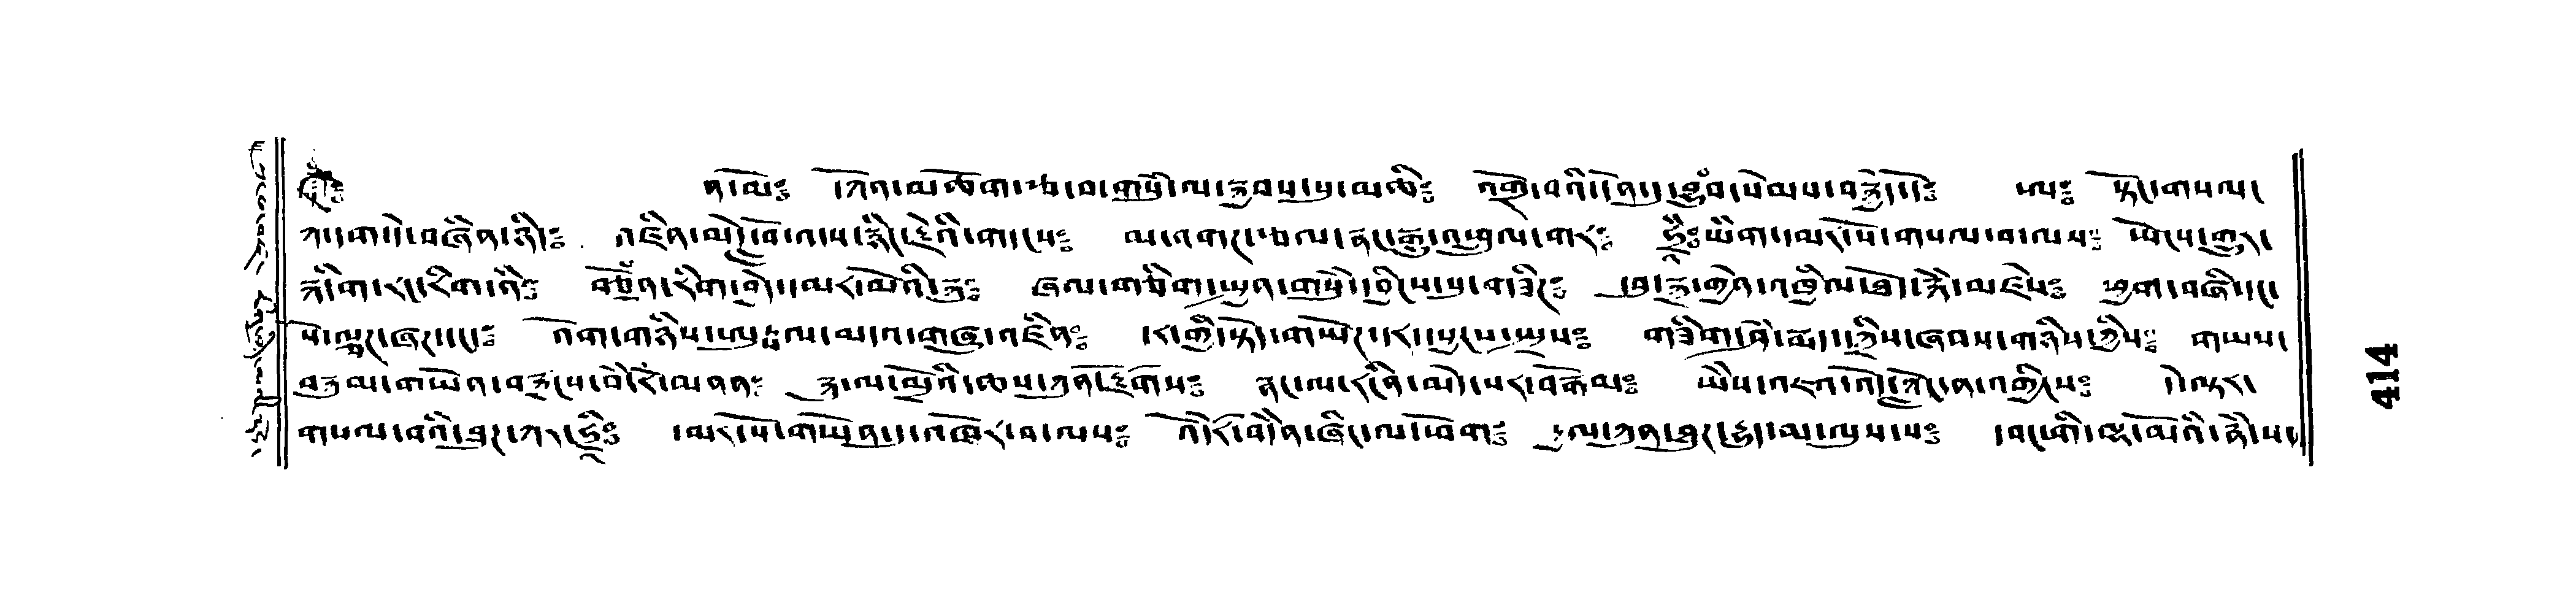ན་མོ༔ དཀོན་མཆོག་རྩ་བ་གསུམ་ལ་སྐྱབས་སུ་མཆི༔ འགྲོ་བའི་དོན་དུ་བྱང་ཆུབ་སེམས་བསྐྱེད་དོ༔ ཨཱཿ སྟོང་གསལ་
ཀ་དག་དེ་བཞིན་ཉིད༔ འཛིན་མེད་བློ་འདས་སྙིང་རྗེའི་གདངས༔ མ་འགགས་རྩལ་སྣང་སྒྱུ་འཕྲུལ་གར༔ ཧྲཱིཿཡིག་དམར་པོ་གསལ་བ་ལས༔ ཡོངས་གྱུར་
སྐད་ཅིག་རང་རིག་ནི༔ བཅོམ་ལྡན་རིག་བྱེད་དམར་མོའི་སྐུ༔ ཞལ་གཅིག་སྤྱན་གསུམ་དབྱིངས་སུ་གཟིགས༔ དབུ་སྐྲ་གྱེན་འཁྱིལ་ཐོད་སྐམ་མཛེས༔ ཕྱག་བཞི་དང་
པོ་ལྕགས་ཞགས་དང༔ འོག་གཉིས་ཨུཏྤལ་མདའ་གཞུ་འཛིན༔ དར་གྱི་སྟོད་གཡོགས་དར་དཔྱངས་སྤྲས༔ གཟིག་ཤམ་སྨད་དཀྲིས་ཞབས་གཉིས་ཀྱིས༔ གཡས་
བསྐུམ་གཡོན་བརྐྱངས་བམ་རོ་མནན༔ སྐུ་ལ་མཁའ་འགྲོའི་ཆས་ཀུན་རྫོགས༔ སྣང་ལ་རང་བཞིན་མེད་པར་བསྒོམ༔ ཡེ་ཤེས་འཇའ་འོད་ཀློང་ན་འགྱིངས༔ དེ་ལྟར་
གསལ་བའི་ཐུགས་ཀར་ཧྲཱིཿ དམར་པོ་གཡོན་དུ་འཁོར་བ་ལས༔ འོད་ཟེར་བདེ་ཆེན་ཞིང་ལ་ཕོག༔ རྒྱལ་ཀུན་ཐུགས་རྒྱུད་མ་ལུས་པ༔ དབང་གི་ལྷ་མོའི་རྣམ་པ་